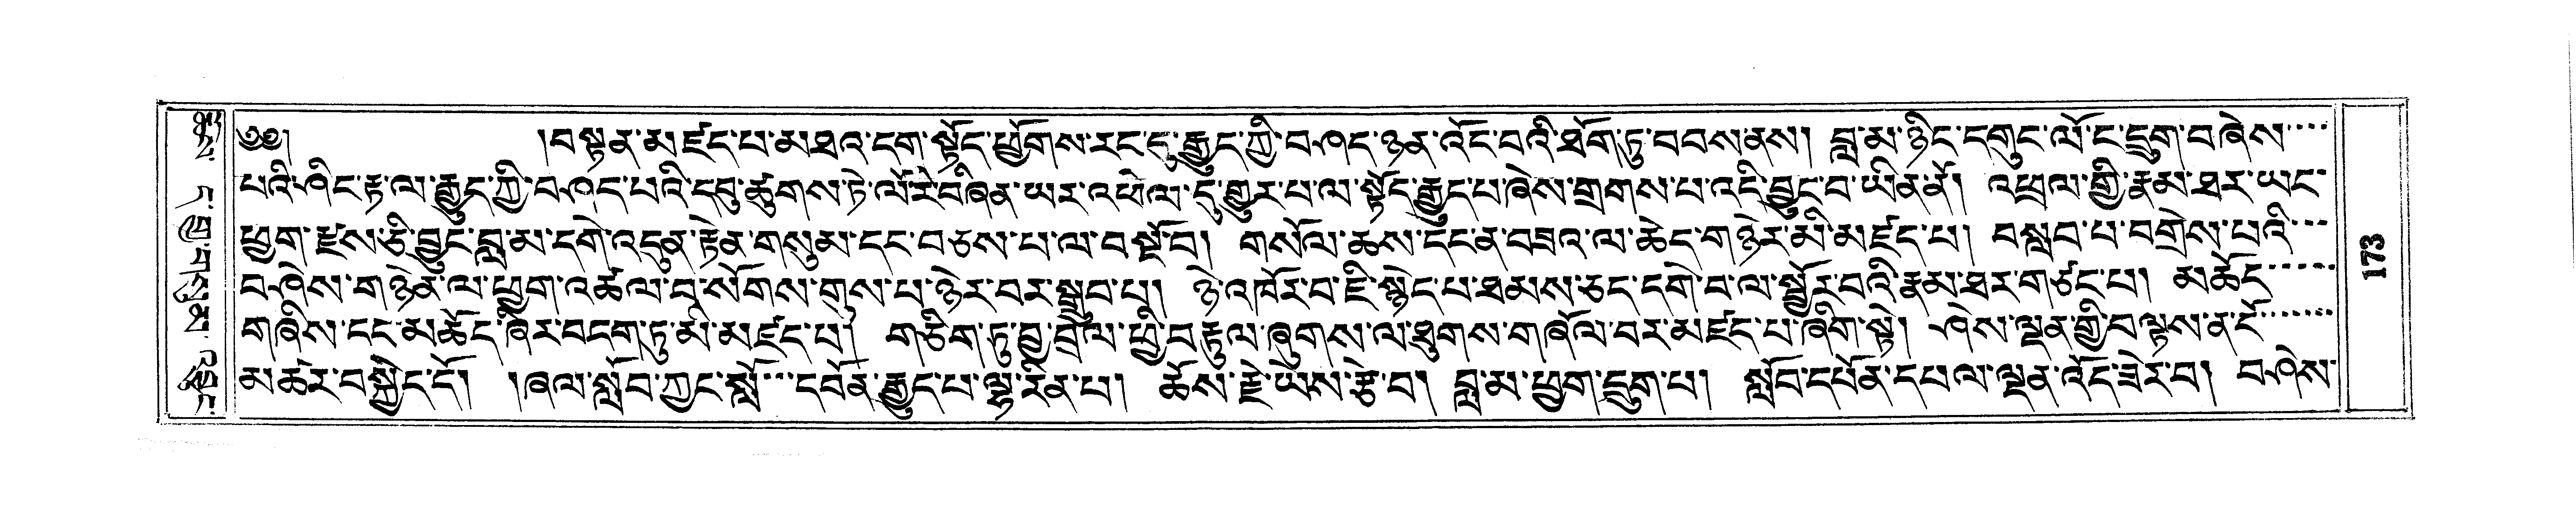༄༅། །བསྟན་མཛད་པ་མཐའ་དག་སྟོད་ཕྱོགས་རང་དུ་རྒྱུད་ཀྱི་བཤད་ཉན་འོང་བའི་ཐོག་ཏུ་བབས་ནས། བླ་མ་ཉིད་དགུང་ལོ་ང་དྲུག་བཞེས་
པའི་ཤིང་རྟ་ལ་རྒྱུད་ཀྱི་བཤད་པའི་དབུ་ཚུགས་ཏེ་ལོ་རེ་བཞིན་ཡར་འཕེལ་དུ་གྱུར་པ་ལ་སྟོད་རྒྱུད་པ་ཞེས་གྲགས་པ་འདི་བྱུང་བ་ཡིན་ནོ། འཕྲལ་གྱི་རྣམ་ཐར་ཡང་
ཕྱག་རྫས་ཅི་བྱུང་བླ་མ་དགེ་འདུན་རྟེན་གསུམ་དང་བཅས་པ་ལ་བསྔོ་བ། གསོལ་ཆས་དང་ན་བཟའ་ལ་ཆེད་གཉེར་མི་མཛད་པ། བསླབ་པ་བགྲེས་པའི་
བཤེས་གཉེན་ལ་ཕྱག་འཚལ་བ་སོགས་གུས་པ་ཉེར་བར་སྒྲུབ་པ། ཉེ་འཁོར་བ་ཇི་སྙེད་པ་ཐམས་ཅད་དགེ་བ་ལ་སྦྱོར་བའི་རྣམ་ཐར་གཙང་པ། མཆོད་
གཞིས་དང་མཆོད་ཞིར་བདག་ཏུ་མི་མཛད་པ། གཅིག་ཏུ་བྱ་བྲལ་ཕྱི་བརྟུལ་ཞུགས་ལ་ཐུགས་གཞོལ་བར་མཛད་པ་ཞིག་སྟེ། ཤེས་ལྡན་གྱི་བལྟས་ན་ངོ་
མཚར་བསྐྱེད་དོ། །ཞལ་སློབ་ཀྱང་སློ་དབོན་རྒྱུད་པ་ལྟ་རིན་པ། ཆོས་རྗེ་ཡེས་རྩེ་བ། བླ་མ་ཕྱག་དྲུག་པ། སློབ་དཔོན་དཔལ་ལྡན་འོད་ཟེར་བ། བཤེས་